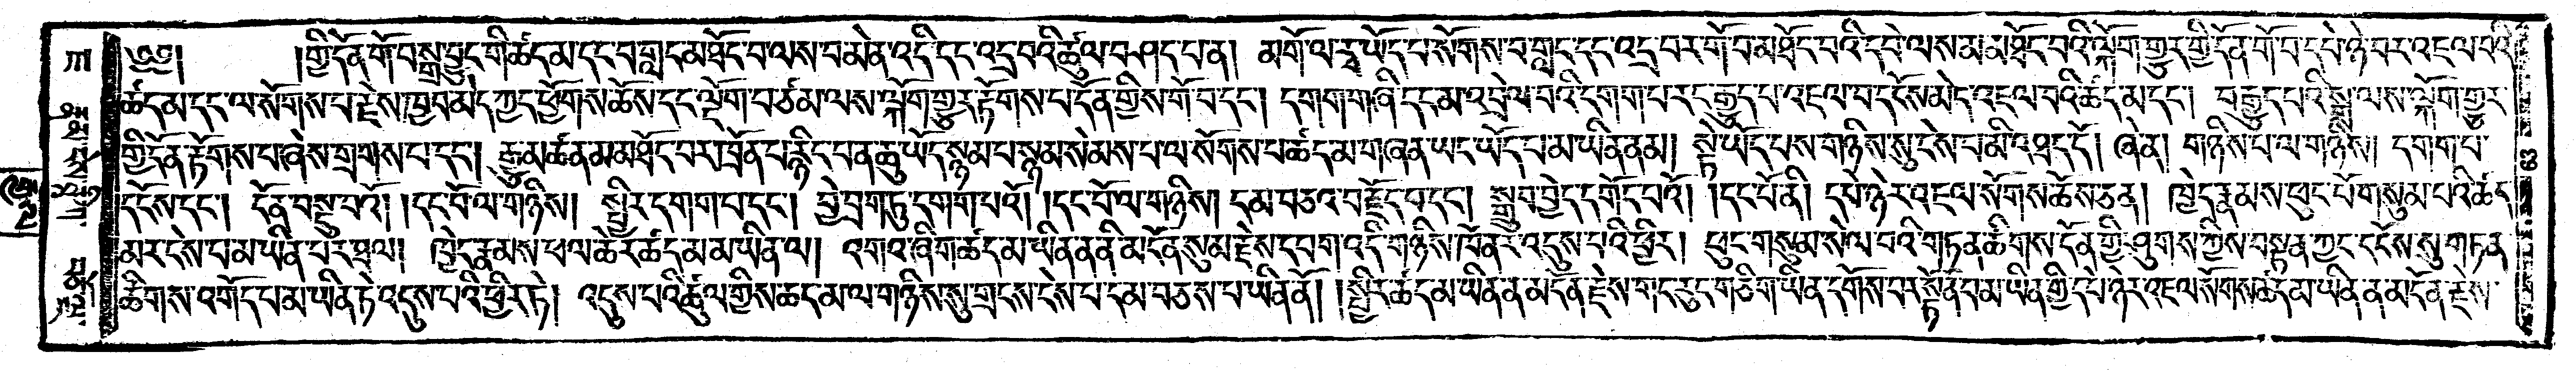༄༅། །གྱི་དོན་གོ་བ་སྒྲ་བྱུང་གི་ཚད་མ་དང་བ་གླང་མཐོང་བ་ལས་བ་མེན་འདི་དང་འདྲ་བའི་ཚུལ་བཤད་པ་ན། མགོ་ལ་རྭ་ཡོད་པ་སོགས་བ་གླང་དང་འདྲ་བར་གོ་བ་མཐོང་བའི་དཔེ་ལས་མ་མཐོང་བའི་ལྐོག་གྱུར་གྱི་དོན་གོ་བ་དཔེ་ཉེ་བར་འཇལ་བའི་
ཚད་མ་དང་ལ་སོགས་པ་རྗེས་ཁྱབ་མེད་ཀྱང་ཕྱོགས་ཆོས་དང་ལྡོག་པ་ཙམ་ལས་ལྐོག་གྱུར་རྟོགས་པ་དོན་གྱིས་གོ་བ་དང་། དགག་གཞི་དང་མ་འབྲེལ་བའི་དགག་པ་རང་རྒྱུད་པ་འཇལ་བ་དངོས་མེད་འཇལ་བའི་ཚད་མ་དང་། བརྒྱུད་པའི་སྒྲ་ལས་ལྐོག་གྱུར་
གྱི་དོན་རྟོགས་པ་ཞེས་གྲགས་པ་དང་། རྒྱུ་མཚན་མ་མཐོང་བར་ཁྲོན་པ་རྙིང་པ་ན་ཆུ་ཡོད་སྙམ་པ་སྙམ་སེམས་པ་ལ་སོགས་པ་ཚད་མ་གཞན་ཡང་ཡོད་པ་མ་ཡིན་ནམ། སྟེ་ཡོད་པས་གཉིས་སུ་ངེས་པ་མི་འཐད་དོ། ཞེ་ན། གཉིས་པ་ལ་གཉིས། དགག་པ་
དངོས་དང་། དོན་བསྡུ་བའོ། །དང་པོ་ལ་གཉིས། སྤྱིར་དགག་པ་དང་། བྱེ་བྲག་ཏུ་དགག་པའོ། །དང་པོ་ལ་གཉིས། དམ་བཅའ་བརྗོད་པ་དང་། སྒྲུབ་བྱེད་དགོད་པའོ། །དང་པོ་ནི། དཔེ་ཉེར་འཇལ་སོགས་ཆོས་ཅན། ཁྱེད་རྣམས་ཕུང་པོ་གསུམ་པའི་ཚད་
མར་ངེས་པ་མ་ཡིན་པར་ཐལ། ཁྱེད་རྣམས་ཕལ་ཆེར་ཚད་མ་མ་ཡིན་ལ། འགའ་ཞིག་ཚད་མ་ཡིན་ན་ནི་མངོན་སུམ་རྗེས་དཔག་འདི་གཉིས་ཁོ་ནར་འདུས་པའི་ཕྱིར། ཕུང་གསུམ་སེལ་བའི་གཏན་ཚིགས་དོན་གྱི་ཤུགས་ཀྱིས་བསྟན་ཀྱང་དངོས་སུ་གཏན་
ཚིགས་འགོད་པ་མ་ཡིན་ཏེ། འདུས་པའི་ཕྱིར་ཏེ། འདུས་པའི་ཚུལ་གྱིས་ཚད་མ་ལ་གཉིས་སུ་གྲངས་ངེས་པ་དམ་བཅས་པ་ཡིན་ནོ། །སྤྱིར་ཚད་མ་ཡིན་ན་མངོན་རྗེས་གང་རུང་གཅིག་ཡིན་དགོས་པར་སྟོན་པ་མ་ཡིན་གྱི་དཔེ་ཉེར་འཇལ་སོགས་ཚད་མ་ཡིན་ན་མངོན་རྗེས་